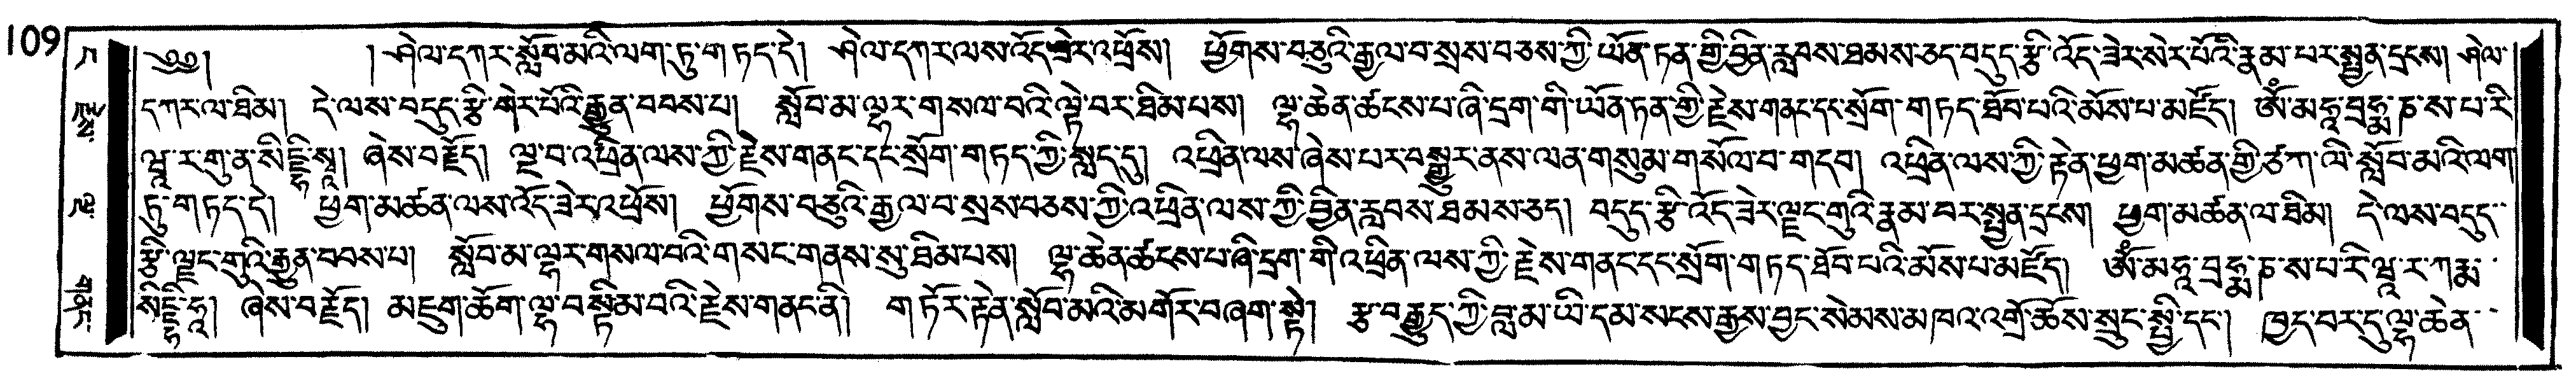༄༅། །ཤེལ་དཀར་སློབ་མའི་ལག་ཏུ་གཏད་དེ། ཤེལ་དཀར་ལས་འོད་ཟེར་འཕྲོས། ཕྱོགས་བཅུའི་རྒྱལ་བ་སྲས་བཅས་ཀྱི་ཡོན་ཏན་གྱི་བྱིན་རླབས་ཐམས་ཅད་བདུད་རྩི་འོད་ཟེར་སེར་པོའི་རྣམ་པར་སྤྱན་དྲངས། ཤེལ་
དཀར་ལ་ཐིམ། དེ་ལས་བདུད་རྩི་གེར་པོའི་རྒྱུན་བབས་པ། སློབ་མ་ལྷར་གསལ་བའི་ལྟེ་བར་ཐིམ་པས། ལྷ་ཆེན་ཚངས་པ་ཞི་དྲག་གི་ཡོན་ཏན་གྱི་རྗེས་གནང་དང་སྲོག་གཏད་ཐོབ་པའི་མོས་པ་མཛོད། ཨོཾ་མཧཱ་བྲཧྨ་ཎ་ས་པ་རི་
ཝཱ་ར་གུ་ན་སིདྡྷི་སྭཱ། ཞེས་བརྗོད། ལྔ་བ་འཕྲིན་ལས་ཀྱི་རྗེས་གནང་དང་སྲོག་གཏད་ཀྱི་སླད་དུ། འཕྲིན་ལས་ཞེས་པར་བསྒྱུར་ནས་ལན་གསུམ་གསོལ་བ་གདབ། འཕྲིན་ལས་ཀྱི་རྟེན་ཕྱག་མཚན་གྱི་ཙཀ་ལི་སློབ་མའི་ལག་
ཏུ་གཏད་དེ། ཕྱག་མཚན་ལས་འོད་ཟེར་འཕྲོས། ཕྱོགས་བཅུའི་རྒྱལ་བ་སྲས་བཅས་ཀྱི་འཕྲིན་ལས་ཀྱི་བྱིན་རླབས་ཐམས་ཅད། བདུད་རྩི་འོད་ཟེར་ལྗང་གུའི་རྣམ་པར་སྤྱན་དྲངས། ཕྱག་མཚན་ལ་ཐིམ། དེ་ལས་བདུད་
རྩི་ལྗང་གུའི་རྒྱུན་བབས་པ། སློབ་མ་ལྷར་གསལ་བའི་གསང་གནས་སུ་ཐིམ་པས། ལྷ་ཆེན་ཚངས་པ་ཞི་དྲག་གི་འཕྲིན་ལས་ཀྱི་རྗེས་གནང་དང་སྲོག་གཏད་ཐོབ་པའི་མོས་པ་མཛོད། ཨོཾ་མཧཱ་བྲཧྨ་ཎ་ས་པ་རི་ཝཱ་ར་ཀརྨ་
སིདྡྷི་ཧཱ། ཞེས་བརྗོད། མཇུག་ཆོག་ལྷ་བསྟིམ་བའི་རྗེས་གནང་ནི། གཏོར་རྟེན་སློབ་མའི་མགོར་བཞག་སྟེ། རྩ་བརྒྱུད་ཀྱི་བླ་མ་ཡི་དམ་སངས་རྒྱས་བྱང་སེམས་མཁའ་འགྲོ་ཆོས་སྲུང་སྤྱི་དང་། ཁྱད་པར་དུ་ལྷ་ཆེན་